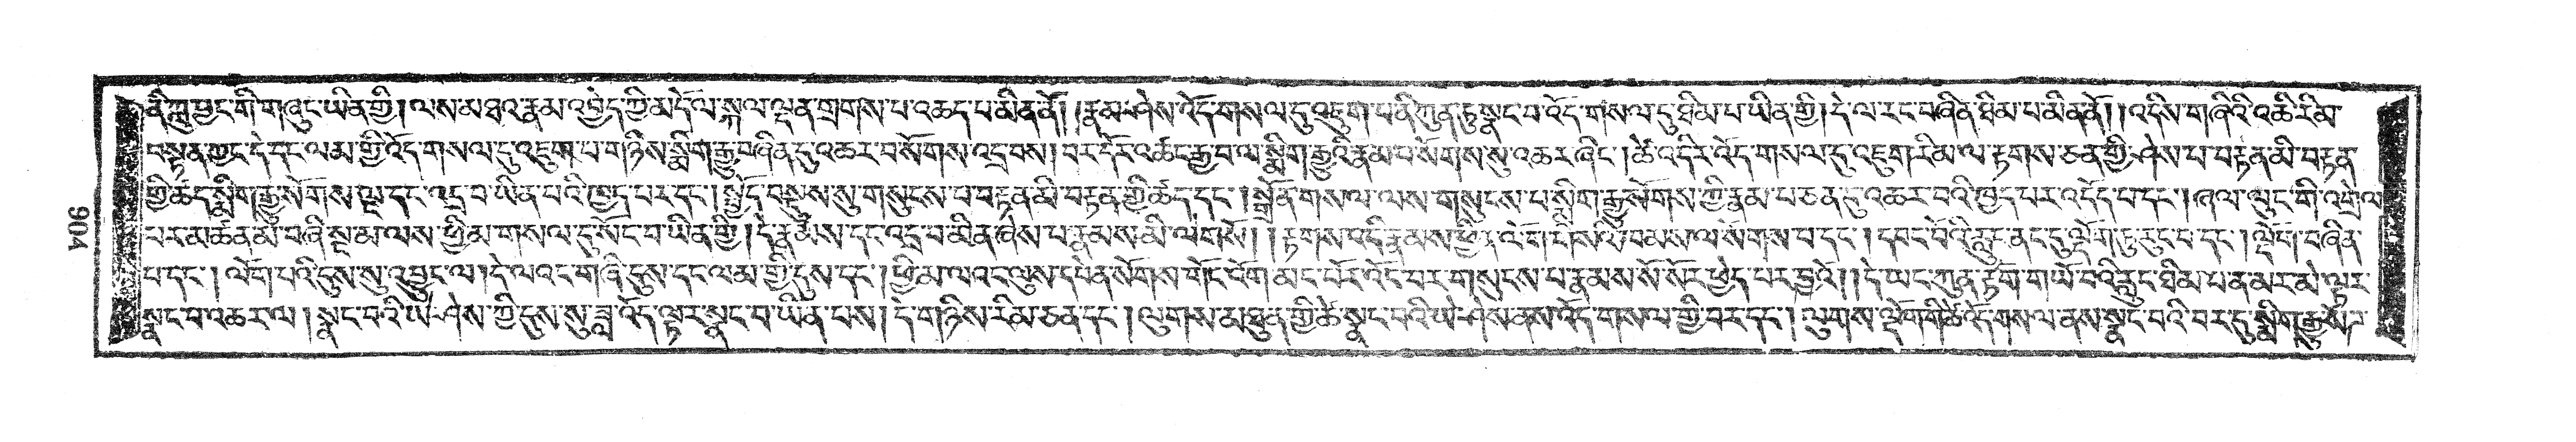ནི་ཀླུ་བྱང་གི་གཞུང་ཡིན་གྱི། ལས་མཐའ་རྣམ་འབྱེད་ཀྱི་མདོ་ལ་སྐལ་ལྡན་གྲགས་པ་འཆད་པ་མིན་ནོ། །རྣམ་ཤེས་འོད་གསལ་དུ་འཇུག་པ་ནི་ཀུན་ཏུ་སྣང་བ་འོད་གསལ་དུ་ཐིམ་པ་ཡིན་གྱི། དེ་ལ་རང་བཞིན་ཐིམ་པ་མིན་ནོ། །འདིས་གཞིའི་འཆི་རིམ་
བསྟན་ཀྱང་དེ་དང་ལམ་གྱི་འོད་གསལ་དུ་འཇུག་པ་གཉིས་སྨིག་རྒྱུ་བཞིན་དུ་འཆར་བ་སོགས་འདྲ་བས། བར་དོར་འཚང་རྒྱ་བ་ལ་སྨིག་རྒྱུའི་རྣམ་པ་སོགས་སུ་འཆར་ཞིང་། ཚེ་འདིར་འོད་གསལ་དུ་འཇུག་རིམ་ལ་རྟགས་ཅན་གྱི་ཤེས་པ་བརྟན་མི་བརྟན་
གྱི་ཚད་སྨིག་རྒྱུ་སོགས་ལྔ་དང་འདྲ་བ་ཡིན་པའི་ཁྱད་པར་དང་། སྤྱོད་བསྡུས་སུ་གསུངས་པ་བརྟན་མི་བརྟན་གྱི་ཚད་དང་། སྒྲོན་གསལ་ལས་གསུངས་པ་སྨིག་རྒྱུ་སོགས་ཀྱི་རྣམ་པ་ཅན་དུ་འཆར་བའི་ཁྱད་པར་འདོད་པ་དང་། ཞལ་ལུང་གི་འགྲེལ་
པར་མཚན་མ་བཞི་སྔ་མ་ལས་ཕྱི་མ་གསལ་དུ་སོང་བ་ཡིན་གྱི། དེ་རྣམས་དང་འདྲ་བ་མིན་ཞེས་པ་རྣམས་མི་ལེགས་སོ། །རྟགས་འདི་རྣམས་ཕྱིན་ལོག་གི་སའི་ཁམས་ལ་སོགས་པ་དང་། དབང་པོའི་རླུང་ནང་དུ་ལྡོག་ཏུ་རུང་བ་དང་། ལྡོག་བཞིན་
པ་དང་། ལོག་པའི་དུས་སུ་འབྱུང་ལ། དེ་ལའང་གཞི་དུས་དང་ལམ་གྱི་དུས་དང་། ཕྱི་མ་ལའང་ལུས་དབེན་སོགས་གོང་འོག་མང་པོར་འོང་བར་གསུངས་པ་རྣམས་སོ་སོར་ཕྱེད་པར་བྱའོ། །དེ་ཡང་ཀུན་རྟོག་གཡོ་བའི་རླུང་ཐིམ་པ་ན་མར་མེ་ལྟར་
སྣང་བ་འཆར་ལ། སྣང་བའི་ཡེ་ཤེས་ཀྱི་དུས་སུ་ཟླ་འོད་ལྟར་སྣང་བ་ཡིན་པས། དེ་གཉིས་རིམ་ཅན་དང་། ལུགས་མཐུན་གྱི་ཚེ་སྣང་བའི་ཡེ་ཤེས་ནས་འོད་གསལ་གྱི་བར་དང་། ལུགས་ལྡོག་གི་ཚེ་འོད་གསལ་ནས་སྣང་བའི་བར་དུ་སྨིག་རྒྱུ་སོགས་